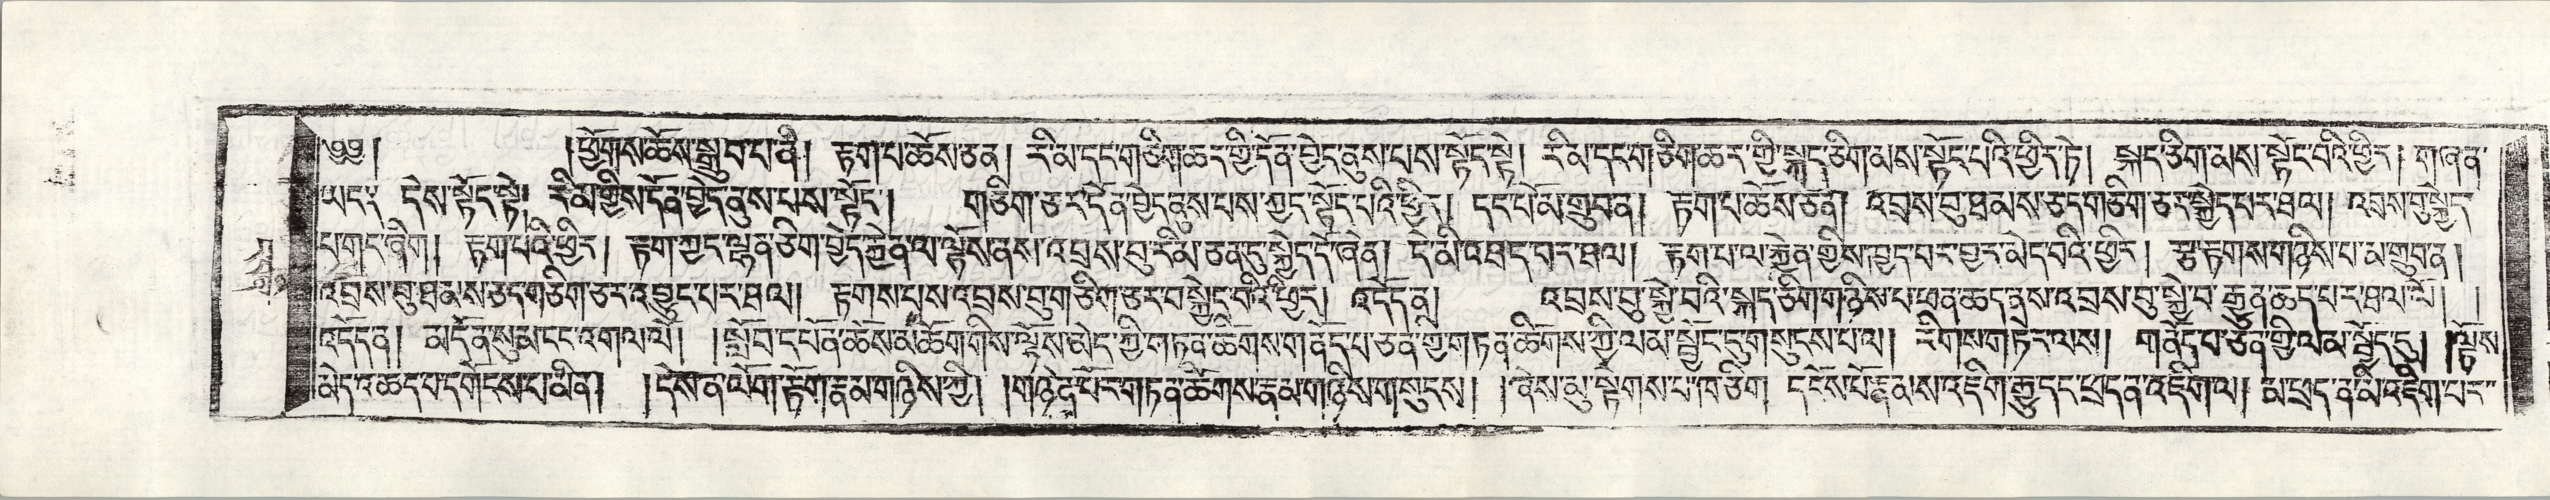༄༅། །ཕྱོགས་ཆོས་སྒྲུབ་པ་ནི། རྟག་པ་ཆོས་ཅན། རིམ་དང་ཅིག་ཆར་གྱི་དོན་བྱེད་ནུས་པས་སྟོང་སྟེ། རིམ་དང་ཅིག་ཆར་གྱི་སྐད་ཅིག་མས་སྟོང་བའི་ཕྱིར་ཏེ། སྐད་ཅིག་མས་སྟོང་བའི་ཕྱིར། གཞན་
ཡང་། དེས་སྟོང་སྟེ། རིམ་གྱིས་དོན་བྱེད་ནུས་པས་སྟོང་། ཅིག་ཅར་དོན་བྱེད་ནུས་པས་ཀྱང་སྟོང་བའི་ཕྱིར། དང་པོ་མ་གྲུབ་ན། རྟག་པ་ཆོས་ཅན། འབྲས་བུ་ཐམས་ཅད་ཅིག་ཅར་སྐྱེད་པར་ཐལ། འབྲས་བུ་སྐྱེད་
པ་གང་ཞིག །རྟག་པའི་ཕྱིར། རྟག་ཀྱང་ལྷན་ཅིག་བྱེད་རྐྱེན་ལ་ལྟོས་ནས་འབྲས་བུ་རིམ་ཅན་དུ་སྐྱེད་དོ་ཞེ་ན། དེ་མི་འཐད་པར་ཐལ། རྟག་པ་ལ་རྐྱེན་གྱིས་ཁྱད་པར་བྱར་མེད་པའི་ཕྱིར། རྩ་རྟགས་གཉིས་པ་མ་གྲུབ་ན།
འབྲས་བུ་ཐམས་ཅད་ཅིག་ཅར་འབྱུང་བར་ཐལ། རྟགས་པས་འབྲས་བུ་ཅིག་ཅར་བསྐྱེད་པའི་ཕྱིར། འདོད་ན། འབྲས་བུ་སྐྱེ་བའི་སྐད་ཅིག་གཉིས་པ་ཕན་ཆད་ནས་འབྲས་བུ་སྐྱེ་བ་རྒྱུན་ཆད་པར་ཐལ་ལོ།
འདོད་ན། མངོན་སུམ་དང་འགལ་ལོ། །སློབ་དཔོན་ཆོས་མཆོག་གིས་ལྟོས་མེད་ཀྱི་གཏན་ཚིགས་གནོད་པ་ཅན་གྱི་གཏན་ཚིགས་ཀྱི་ལམ་སྦྱོང་དུ་གསུངས་པ་ལ། རིགས་གཏེར་ལས། གནོད་པ་ཅན་གྱི་ལམ་སྦྱོང་དུ། །ལྟོས་
མེད་འཆད་པ་དགོངས་པ་མིན། །དེས་ན་ལོག་རྟོག་རྣམ་གཉིས་ཀྱི། །གཉེན་པོར་གཏན་ཚིགས་རྣམ་གཉིས་གསུངས། །ཞེས་མུ་སྟེགས་པ་ཁ་ཅིག། དངོས་པོ་རྣམས་འཇིག་རྒྱུ་དང་ཕྲད་ན་འཇིག་ལ། མ་ཕྲད་ན་མི་འཇིག་པར་